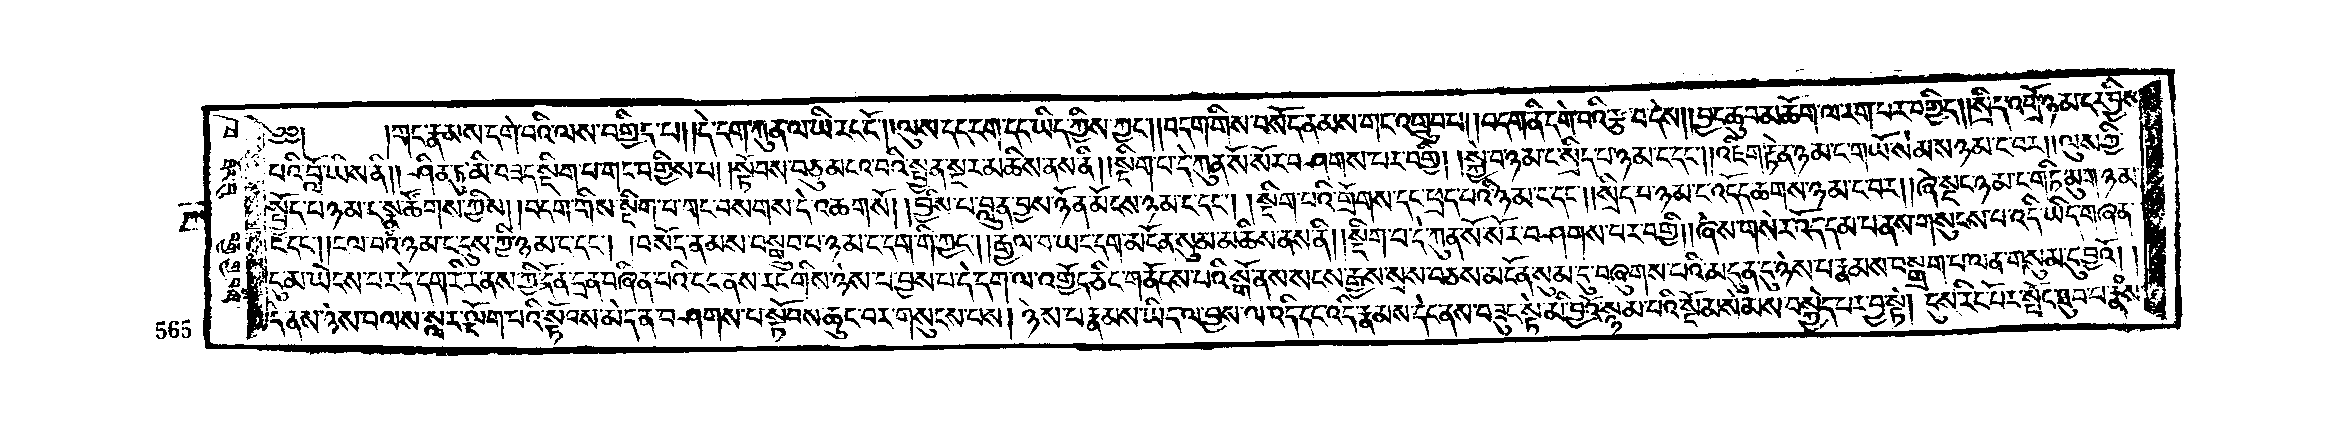༄༅། །གང་རྣམས་དགེ་བའི་ལས་བགྱིད་པ། །དེ་དག་ཀུན་ལ་ཡི་རང་ངོ། །ལུས་དང་ངག་དང་ཡིད་ཀྱིས་ཀྱང་། །བདག་གིས་བསོད་ནམས་གང་འགྲུབ་པ། །བདག་ནི་དགེ་བའི་རྩ་བ་དེས། །བྱང་ཆུབ་མཆོག་ལ་རག་པར་བགྱིད། །སྲིད་འགྲོ་ཉམ་དར་བྱིས་
པའི་བློ་ཡིས་ནི། །ཤིན་ཏུ་མི་བཟད་སྡིག་པ་གང་བགྱིས་པ། །སྟོབས་བཅུ་མངའ་བའི་སྤྱན་སྔར་མཆིས་ནས་ནི། །སྡིག་པ་དེ་ཀུན་སོ་སོར་བཤགས་པར་བགྱི། །སྐྱེ་བ་ཉམ་ང་སྲིད་པ་ཉམ་ང་དང་། །འཇིག་རྟན་ཉམ་ང་གཡོ་སེམས་ཉམ་ང་བར། །ལུས་ཀྱི་
སྤྱོད་པ་ཉམ་ང་སྣ་ཚོགས་ཀྱིས། །བདག་གིས་སྡིག་པ་གང་བསགས་དེ་འཆག་སོ། །བྱིས་པ་བླུན་བྱས་ཉོན་མོངས་ཉམ་ང་དང་། །སྡིག་པའི་གྲོགས་དང་ཕྲད་པའི་ཉམ་ང་དང་། །སྲིད་པ་ཉམ་ང་འདོད་ཆགས་ཉམ་ང་བར། །ཞེ་སྡང་ཉམ་ང་གཏི་མུག་ཉམ་
ང་དང་། །ངལ་བའི་ཉམ་ང་དུས་ཀྱི་ཉམ་ང་དང་། །བསོད་ནམས་བསྒྲུབ་པ་ཉམ་ང་དག་གི་ཀྱང་། །རྒྱལ་བ་ཡང་དག་མངོན་སུམ་མཆིས་ནས་ནི། །སྡིག་པ་དེ་ཀུན་སོ་སོར་བཤགས་པར་བགྱི། །ཞེས་གསེར་འོད་དམ་པ་ནས་གསུངས་པ་འདི་ཡིད་གཞན་
དུ་མ་ཡོངས་པར་དེ་དག་རེ་རེ་ནས་ཀྱི་དོན་དྲན་བཞིན་པའི་ངང་ནས་རང་གིས་ཉེས་པ་བྱས་པ་དེ་དག་ལ་འགྱོད་ཅིང་གནོངས་པའི་སྒོ་ནས་སངས་རྒྱས་སྲས་བཅས་མངོན་སུམ་དུ་བཞུགས་པའི་མདུན་དུ་ཉེས་པ་རྣམས་བསྒྲག་པ་ལན་གསུམ་དུ་བྱའོ། །
དེ་ནས་ཉེས་པ་ལས་སླར་ལྡོག་པའི་སྟོབས་མེད་ན་བཤགས་པ་སྟོབས་ཆུང་བར་གསུངས་པས། ཉེས་པ་རྣམས་ཡིད་ལ་བྱས་ལ་འདི་དང་འདི་རྣམས་དེང་ནས་བཟུང་སྟེ་མི་བྱའོ་སྙམ་པའི་སྡོམ་སེམས་བསྐྱེད་པར་བྱ་སྟེ། དུས་རིང་པོར་སྤོང་ཐུབ་པ་རྣམས་